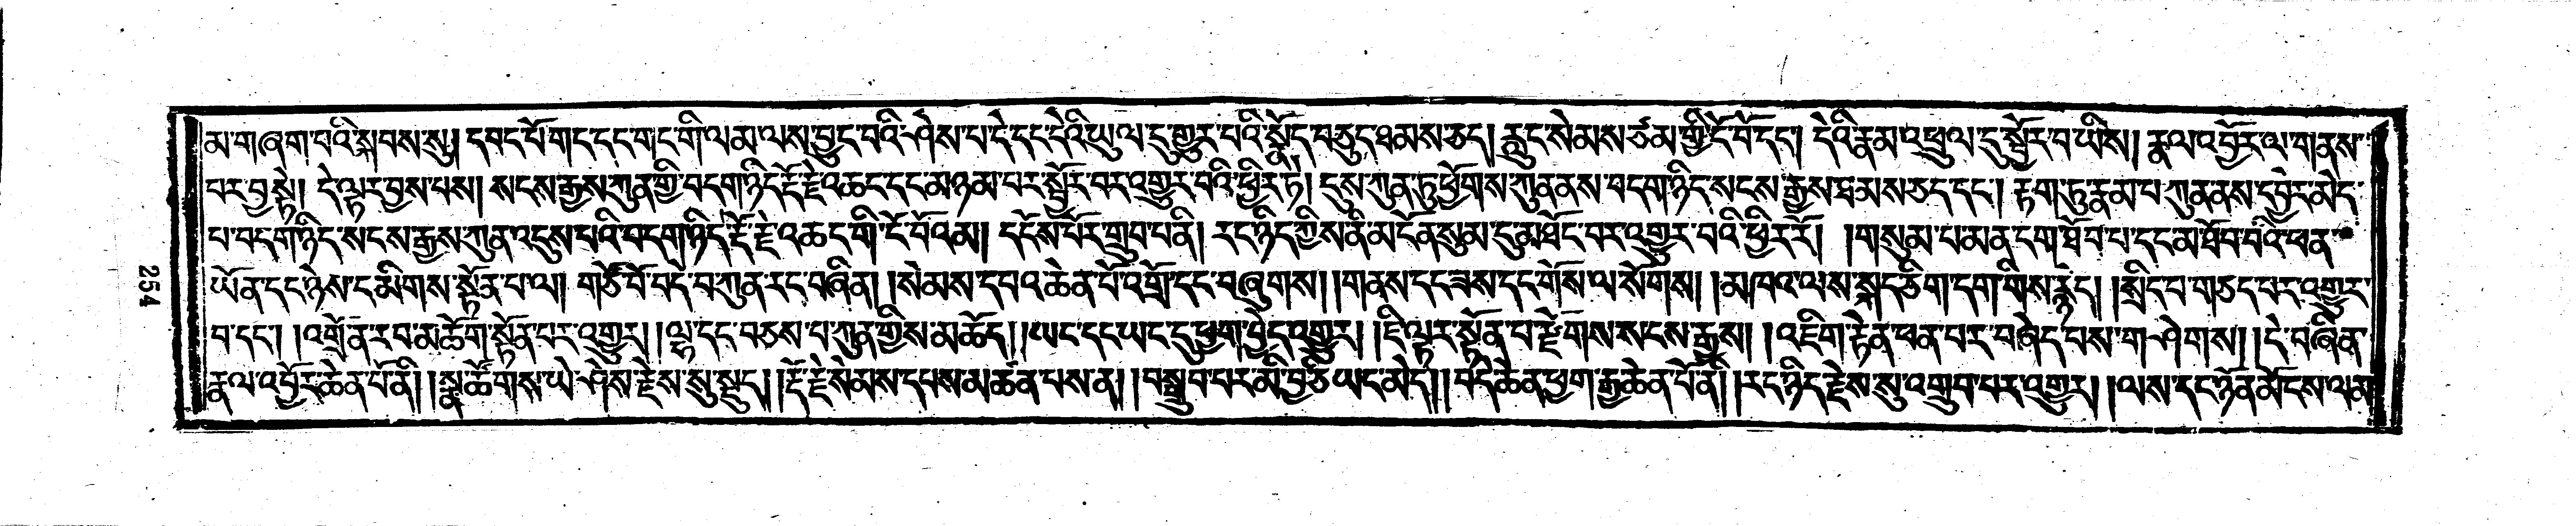མ་གཞག་པའི་སྐབས་སུ། དབང་པོ་གང་དང་གང་གི་ལམ་ལས་བྱུང་བའི་ཤེས་པ་དེ་དང་དེའི་ཡུལ་དུ་གྱུར་པའི་སྣོད་བཅུད་ཐམས་ཅད། རླུང་སེམས་ཙམ་གྱི་ངོ་བོ་དང་། དེའི་རྣམ་འཕྲུལ་དུ་སྦྱོར་བ་ཡིས། རྣལ་འབྱོར་ལ་གནས་
པར་བྱ་སྟེ། དེ་ལྟར་བྱས་པས། སངས་རྒྱས་ཀུན་གྱི་བདག་ཉིད་རྡོ་རྗེ་འཆང་དང་མཉམ་པར་སྦྱོར་བར་འགྱུར་བའི་ཕྱིར་ཏེ། དུས་ཀུན་ཏུ་ཕྱོགས་ཀུན་ནས་བདག་ཉིད་སངས་རྒྱས་ཐམས་ཅད་དང་། རྟག་ཏུ་རྣམ་པ་ཀུན་ནས་དབྱེར་མེད་
པ་བདག་ཉིད་སངས་རྒྱས་ཀུན་འདུས་པའི་བདག་ཉིད་རྡོ་རྗེ་འཆང་གི་ངོ་བོའམ། དངོས་པོར་གྲུབ་པ་ནི། རང་ཉིད་ཀྱིས་ནི་མངོན་སུམ་དུ་མཐོང་བར་འགྱུར་བའི་ཕྱིར་རོ། །གསུམ་པ་མན་ངག་ཐོབ་པ་དང་མ་ཐོབ་པའི་ཕན་
ཡོན་དང་ཉེས་དམིགས་སྟོན་པ་ལ། གཙོ་བོ་བདེ་བ་ཀུན་རང་བཞིན། །སེམས་དཔའ་ཆེན་པོ་འགྲོ་དང་བཞུགས། །གནས་དང་ཟས་དང་གོས་ལ་སོགས། །མཁའ་ལས་སྐད་ཅིག་དག་གིས་རྙེད། །སྲིད་པ་གཅོད་པར་འགྱུར་
པ་དང་། །འགྲོ་ན་རབ་མཆོག་སྟོན་པར་འགྱུར། །ལྷ་དང་བཅས་པ་ཀུན་གྱིས་མཆོད། །ཡང་དང་ཡང་དུ་ཕྱག་བྱེད་འགྱུར། །ཇི་ལྟར་སྟོན་པ་རྫོགས་སངས་རྒྱས། །འཇིག་རྟེན་ཕན་པར་བཞེད་པས་གཤེགས། །དེ་བཞིན་
རྣལ་འབྱོར་ཆེན་པོ་ནི། །སྣ་ཚོགས་ཡེ་ཤེས་རྗེས་སུ་སྡུད། །རྡོ་རྗེ་སེམས་དཔས་མཚན་པས་ན། །བསྒྲུབ་པར་མི་བྱ་ཅི་ཡང་མེད། །བདེ་ཆེན་ཕྱག་རྒྱ་ཆེན་པོ་ནི། །རང་ཉིད་རྗེས་སུ་འགྲུབ་པར་འགྱུར། །ལས་དང་ཉོན་མོངས་ལམ་